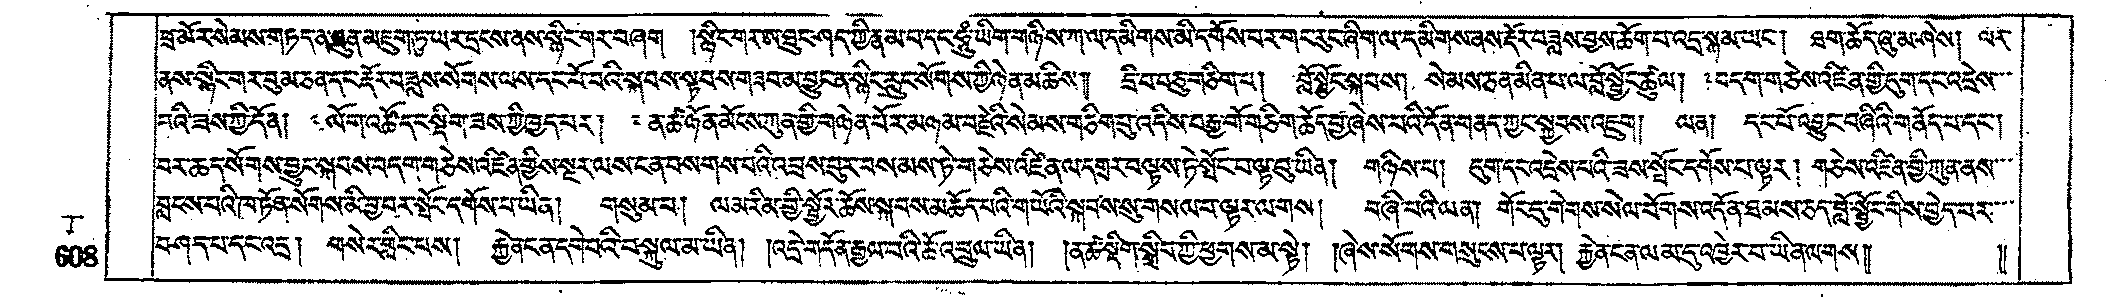ཕྲ་མོར་སེམས་གཏད་ན་ཐུན་མཇུག་ཏུ་ཡར་དྲངས་ནས་སྙིང་གར་བཞག །སྙིང་གར་ཨ་ཐུང་ཤད་ཀྱི་རྣམ་པ་དང་ཧཱུཾ་ཡིག་གཉིས་ཀ་ལ་དམིགས་མི་དགོས་པ་གང་རུང་ཞིག་ལ་དམིགས་ནས་རྡོར་བཟླས་བྱས་ཆོག་པ་འདྲ་སྙམ་ཡང་། ཐག་ཆོད་ཞུ་མ་ཤེས། ལར་
ནས་སྙིང་གར་བུམ་ཅན་དང་རྡོར་བཟླས་སོགས་ལས་དང་པོ་བའི་སྐབས་སྟབས་གཟབ་མ་བྱུང་ན་སྙིང་རླུང་སོགས་ཀྱི་ཉེན་མཆིས།། དྲི་བ་བཅུ་གཅིག་པ། བློ་སྦྱོང་སྐབས། སེམས་ཅན་མིན་པ་ལ་བློ་སྦྱོང་ཚུལ། ༧བདག་གཅེས་འཛིན་གྱི་དུག་དང་འདྲེས་་་
པའི་ཟས་ཀྱི་དོན། ༧ལོག་འཚོ་དང་སྡིག་ཟས་ཀྱི་ཁྱད་པར། ༧ན་ཚ་ཉོན་མོངས་ཀུན་གྱི་གཉེན་པོར་མཉམ་བརྗེའི་སེམས་གཅིག་པུ་འདིས་བརྒྱ་གོ་གཅིག་ཆོད་བྱ་ཞེས་པའི་དོན་གནད་ཀྱང་སྐྱབས་འཇུག། ལན། དང་པོ་འབྱུང་བཞིའི་གནོད་པ་དང་།
བར་ཆད་སོགས་བྱུང་སྐབས་བདག་གཅེས་འཛིན་གྱིས་སྔར་ལས་ངན་བསགས་པའི་འབྲས་བུར་བསམས་ཏེ་གཅེས་འཛིན་ལ་དགྲར་བལྟས་ཏེ་སྤོང་བ་ལྟ་བུ་ཡིན། གཉིས་པ། དུག་དང་འདྲེས་པའི་ཟས་སྤོང་དགོས་པ་ལྟར། གཅེས་འཛིན་གྱི་ཀུན་ནས་་་
བླངས་པའི་ཁ་ཏོན་སོགས་མི་བྱ་བར་སྤོང་དགོས་པ་ཡིན། གསུམ་པ། ལམ་རིམ་གྱི་སྦྱོར་ཆོས་སྐབས་མཆོད་པའི་གཡོའི་སྐབས་སུ་གསལ་བ་ལྟར་ལགས། བཞི་པའི་ལན། གོང་དུ་གེགས་སེལ་བོགས་འདོན་ཐམས་ཅད་བློ་སྦྱོང་གིས་བྱེད་པར་་་
བཤད་པ་དང་འདྲ། གསེར་གླིང་པས། རྐྱེན་ངན་དགེ་བའི་བསྐུལ་མ་ཡིན། །འདྲེ་གདོན་རྒྱལ་བའི་ཆོ་འཕྲུལ་ཡིན། །ན་ཚ་སྡིག་སྒྲིབ་ཀྱི་ཕྱགས་མ་སྟེ། །ཞེས་སོགས་གསུངས་པ་ལྟར། རྐྱེན་ངན་ལམ་དུ་འཁྱེར་བ་ཡིན་ལགས།། །།